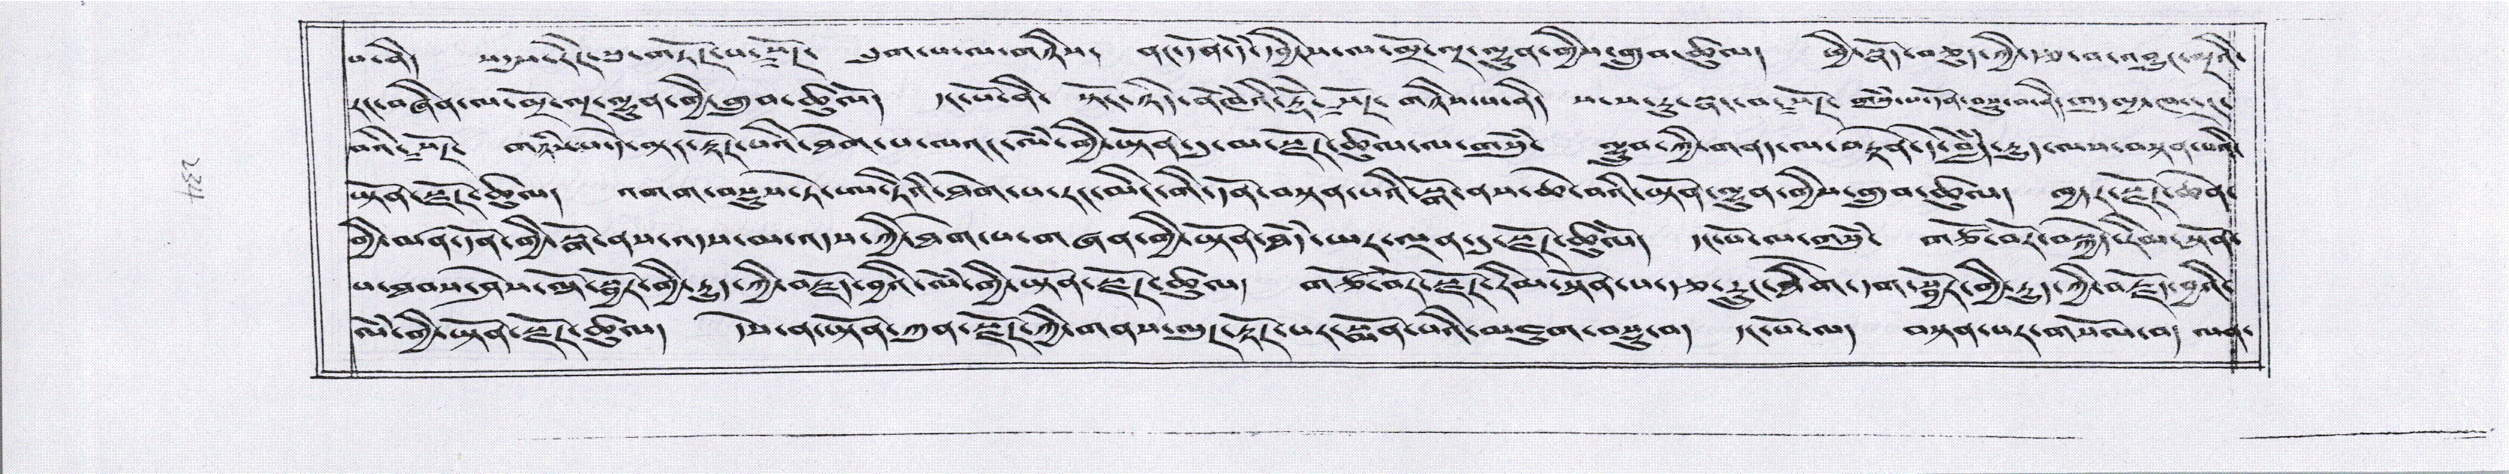ནི། སངས་རྒྱས་རེ་རེ་སུ་གཏོགས་པ་སོགས། དྲུག་པ་ལ་གཉིས། ནང་དོན་དམ་དབྱིངས་ལ་མཁའ་འགྲོ་ལྔ་ལྷུན་གྱིས་གྲུབ་ཚུལ། ཕྱི་སྣོད་བཅུད་ཀྱི་རྩ་བ་འབྱུང་ལྔའི་
རང་བཞིན་ལ་མཁའ་འགྲོ་ལྔ་ལྷུན་གྱི་གྲུབ་ཚུལ། དང་པོ་ནི། སྟོང་ཉིད་ནམ་མཁའི་རྡོ་རྗེ་སོགས། གཉིས་པ་ནི། ས་ས་རུ་སྣང་བ་སོགས། གསུམ་པ་དོན་བསྡུ་བ་ནི། གདུལ་བྱ་ཁ་དྲང་
བའི་སོགས། གཉིས་པ་དེ་ལྟར་རྟོགས་པའི་ཐེག་པ་ལའང་ལམ་གྱི་ཡོན་ཏན་དུ་མ་རྫོགས་ཚུལ་ལ་གསུམ། ལྷུན་གྲུབ་ཀྱི་གནད་ལ་བརྟེན་དེ་བླ་མེད་རྒྱུད་ལས་བསྟན་པའི་
ཡོན་ཏན་རྫོགས་ཚུལ། འགག་བསྡུས་ཏེ་ཨ་ཏིའི་ཐེག་པ་རང་མིང་གི་དོན་བསྟན་པའི་སྒོ་ནས་ཆེ་བའི་ཡོན་ཏན་ལྷུན་གྱིས་གྲུབ་ཚུལ། ཁྱད་པར་རྫོགས་ཆེན་
གྱི་མཚན་དོན་གྱི་སྒོ་ནས་འདས་མ་འདས་ཀྱི་ཐེག་པ་གཞན་གྱི་ཡོན་ཏན་ཐམས་ཅད་ཡར་ལྡན་དུ་རྫོགས་ཚུལ་ལོ། དང་པོ་ལ་གསུམ། གཙོ་བོར་བསྐྱེད་རིམ་སྟོན་
པ་ཐབས་ཤེས་ལྟོ་སྦྱོར་གྱི་རྒྱུད་ཀྱི་བརྗོད་བྱའི་ལམ་གྱི་ཡོན་ཏན་རྫོགས་ཚུལ། གཙོ་བོར་རྫོགས་རིམ་སྟོན་པ་རྩ་རླུང་ཐིག་ལེ་དག་སྦྱོར་གྱི་རྒྱུད་ཀྱི་བརྗོད་བྱའི་
ལམ་གྱི་ཡོན་ཏན་རྫོགས་ཚུལ། དེས་ན་ཡོན་ཏན་ཀུན་རྫོགས་ཀྱི་གནས་ལུགས་རྟོགས་པར་སྨོན་པའི་མཇུག་བསྡུ་བ། དང་པོ་ལ། བསྟ་པར་གསོལ་བ། ལན་